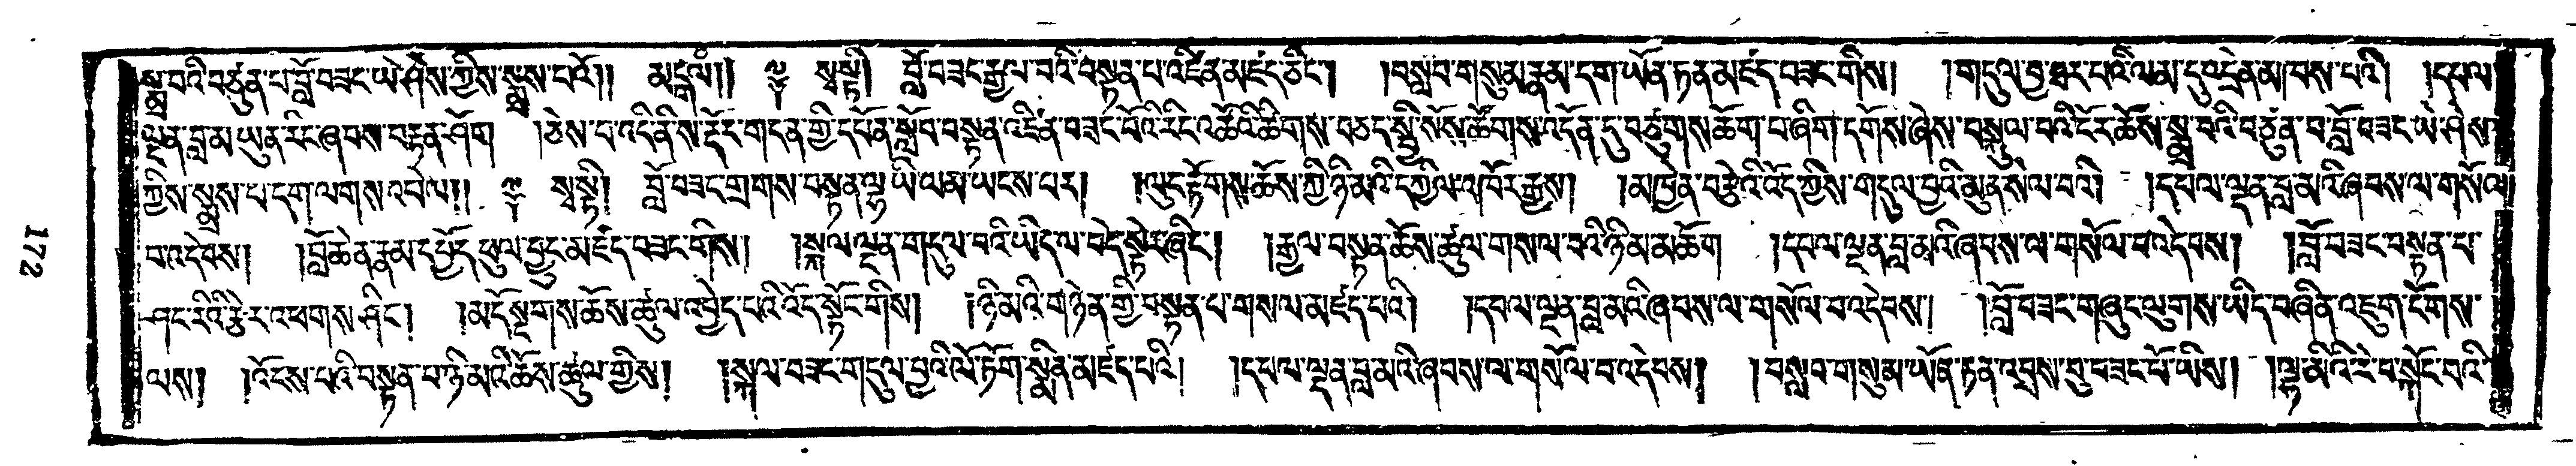སྨྲ་བའི་བཙུན་པ་བློ་བཟང་ཡེ་ཤེས་ཀྱིས་སྨྲས་པའོ།། མངྒལཾ།། ༈ བློ་བཟང་རྒྱལ་བའི་བསྟན་པ་འཛིན་མཛད་ཅིང་། །བསླབ་གསུམ་རྣམ་དག་ཡོན་ཏན་མཛད་བཟང་གིས། །གདུལ་བྱ་ཐར་པའི་ལམ་དུ་འདྲེན་མཁས་པའི། །དཔལ་
ལྡན་བླ་མ་ཡུན་རིང་ཞབས་བརྟན་ཤོག །ཅེས་པ་འདི་ནི་ས་རྡོར་གདན་གྱི་དཔོན་སློབ་བསྟན་འཛིན་བཟང་པོའི་རིང་འཚོའི་ཚིགས་བཅད་སྦྱི་སོས་ཚོགས་འདོན་དུ་བཙུགས་ཆོག་པ་ཞིག་དགོས་ཞེས་བསྐུལ་བའི་ངོར་ཆོས་སྨྲ་བའི་བཙུན་བ་བློ་བཟང་ཡེ་ཤེས་
ཀྱིས་སྨྲས་པ་དག་ལགས་འབེལ།། ༈ སྭསྟི། བློ་བཟང་གྲགས་བསྟན་ལྷ་ཡི་ལམ་ཡངས་བར། །ལུང་རྟོགས་ཆོས་ཀྱི་ཉི་མའི་དཀྱིལ་འཁོར་རྒྱས། །མཁྱེན་བརྩེའི་འོད་ཀྱིས་གདུལ་བྱའི་མུན་སེལ་བའི། །དཔལ་ལྡན་བླ་མའི་ཞབས་ལ་གསོལ་
བ་འདེབས། །བློ་ཆེན་རྣམ་དཔྱོད་ཕུལ་བྱུང་མཛད་བཟང་གིས། །སྐལ་ལྡན་གདུལ་བའི་ཡིད་ལ་བདེ་སྟེར་ཞིང་། །རྒྱལ་བསྟན་ཆོས་ཚུལ་གསལ་བའི་ཉི་མ་མཆོག །དཔལ་ལྡན་བླ་མའི་ཞབས་ལ་གསོལ་བ་འདེབས། །བློ་བཟང་བསྟན་པ་
ཤང་རིའི་རྩེར་འཕགས་ཤིང་། །མདོ་སྔགས་ཆོས་ཚུལ་འབྱེད་པའི་འོད་སྟོང་གིས། །ཉི་མའི་གཉེན་གྱི་བསྟན་པ་གསལ་མཛད་པའི། །དཔལ་ལྡན་བླ་མའི་ཞབས་ལ་གསོལ་བ་འདེབས། །བློ་བཟང་གཞུང་ལུགས་ཡིད་བཞིན་འཇུག་དོགས་
ལས། །འོངས་པའི་བསྟན་པ་ཉི་མའི་ཆོས་ཚུལ་གྱིས། །སྐལ་བཟང་གདུལ་བྱའི་ལོ་ཏོག་སྨིན་མཛད་པའི། །དཔལ་ལྡན་བླ་མའི་ཞབས་ལ་གསོལ་བ་འདེབས། །བསླབ་གསུམ་ཡོན་ཏན་འབྲས་བུ་བཟང་པོ་ཡིས། །ལྷ་མིའི་རེ་བསྐོང་བའི་